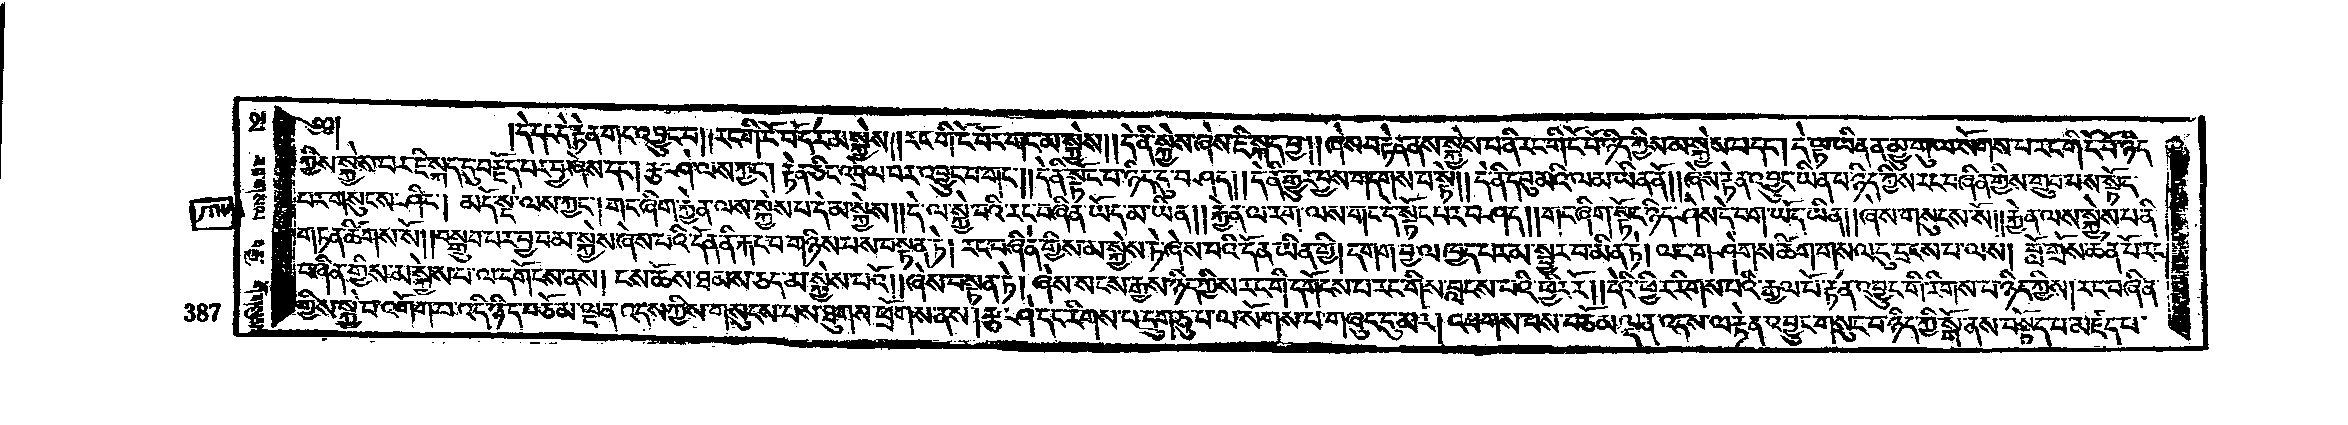༄༅། །དེ་དང་དེ་རྟེན་གང་འབྱུང་བ། །རང་གི་ངོ་བོ་དེར་མ་སྐྱེས། །རང་གི་ངོ་བོར་གང་མ་སྐྱེས། །དེ་ནི་སྐྱེས་ཞེས་ཇི་སྐད་བྱ། །ཞེས་བརྟེན་ནས་སྐྱེས་པ་ནི་རང་གི་ངོ་བོ་ཉིད་ཀྱིས་མ་སྐྱེས་པ་དང་། དེ་ལྟ་ཡིན་ན་མྱུ་གུ་ལ་སོགས་པ་རང་གི་ངོ་བོ་ཉིད་
ཀྱིས་སྐྱེས་པར་ཇི་སྐད་དུ་བརྗོད་པར་བྱ་ཞེས་དང་། རྩ་ཤེ་ལས་ཀྱང་། རྟེན་ཅིང་འབྲེལ་བར་འབྱུང་བ་གང་། །དེ་ནི་སྟོང་པ་ཉིད་དུ་བཤད། །དེ་ནི་རྒྱུར་བྱས་གདགས་པ་སྟེ། །དེ་ནི་དབུ་མའི་ལམ་ཡིན་ནོ། །ཞེས་རྟེན་འབྱུང་ཡིན་པ་ཉིད་ཀྱིས་རང་བཞིན་གྱིས་གྲུབ་པས་སྟོད་
པར་གསུངས་ཤིང་། མདོ་སྡེ་ལས་ཀྱང་། གང་ཞིག་རྐྱེན་ལས་སྐྱེས་པ་དེ་མ་སྐྱེས། །དེ་ལ་སྐྱེ་བའི་རང་བཞིན་ཡོད་མ་ཡིན། །རྐྱེན་ལ་རག་ལས་གང་དེ་སྟོང་པར་བཤད། །གང་ཞིག་སྟོང་ཉིད་ཤེས་དེ་བག་ཡོད་ཡིན། །ཞེས་གསུངས་སོ། །རྐྱེན་ལས་སྐྱེས་པ་ནི་
གཏན་ཚིགས་སོ། །བསྒྲུབ་པར་བྱ་བ་མ་སྐྱེས་ཞེས་པའི་དོན་ནི་རྐང་པ་གཉིས་པས་བསྟན་ཏེ། རང་བཞིན་གྱིས་མ་སྐྱེས་ཏེ་ཞེས་པའི་དོན་ཡིན་གྱི། དགག་བྱ་ལ་ཁྱད་པར་མ་སྦྱར་བ་མིན་ཏེ། ལང་གཤེགས་ཚིག་གསལ་དུ་དྲངས་པ་ལས། བློ་གྲོས་ཆེན་པོ་རང་
བཞིན་གྱིས་མ་སྐྱེས་པ་ལ་དགོངས་ནས། ངས་ཆོས་ཐམས་ཅད་མ་སྐྱེས་པའོ། །ཞེས་བསྟན་ཏེ། ཞེས་སངས་རྒྱས་ཉིད་ཀྱིས་རང་གི་དགོངས་པ་རང་གིས་བླངས་པའི་ཕྱིར་རོ། །དེའི་ཕྱིར་རིགས་པའི་རྒྱལ་པོ་རྟེན་འབྱུང་གི་རིགས་པ་ཉིད་ཀྱིས། རང་བཞིན་
གྱིས་སྐྱེ་བ་འགོག་པ་འདི་ཉིད་བཅོམ་ལྡན་འདས་ཀྱིས་གསུངས་པས་ཐུགས་ཕྲོགས་ནས། རྩ་ཤེ་དང་རིགས་པ་དྲུག་ཅུ་པ་ལ་སོགས་པ་གཞུང་དུ་མར། འཕགས་པས་བཅོམ་ལྡན་འདས་ལ་རྟེན་འབྱུང་གསུང་པ་ཉིད་ཀྱི་སྒོ་ནས་བསྟོད་པ་མཛད་པ་